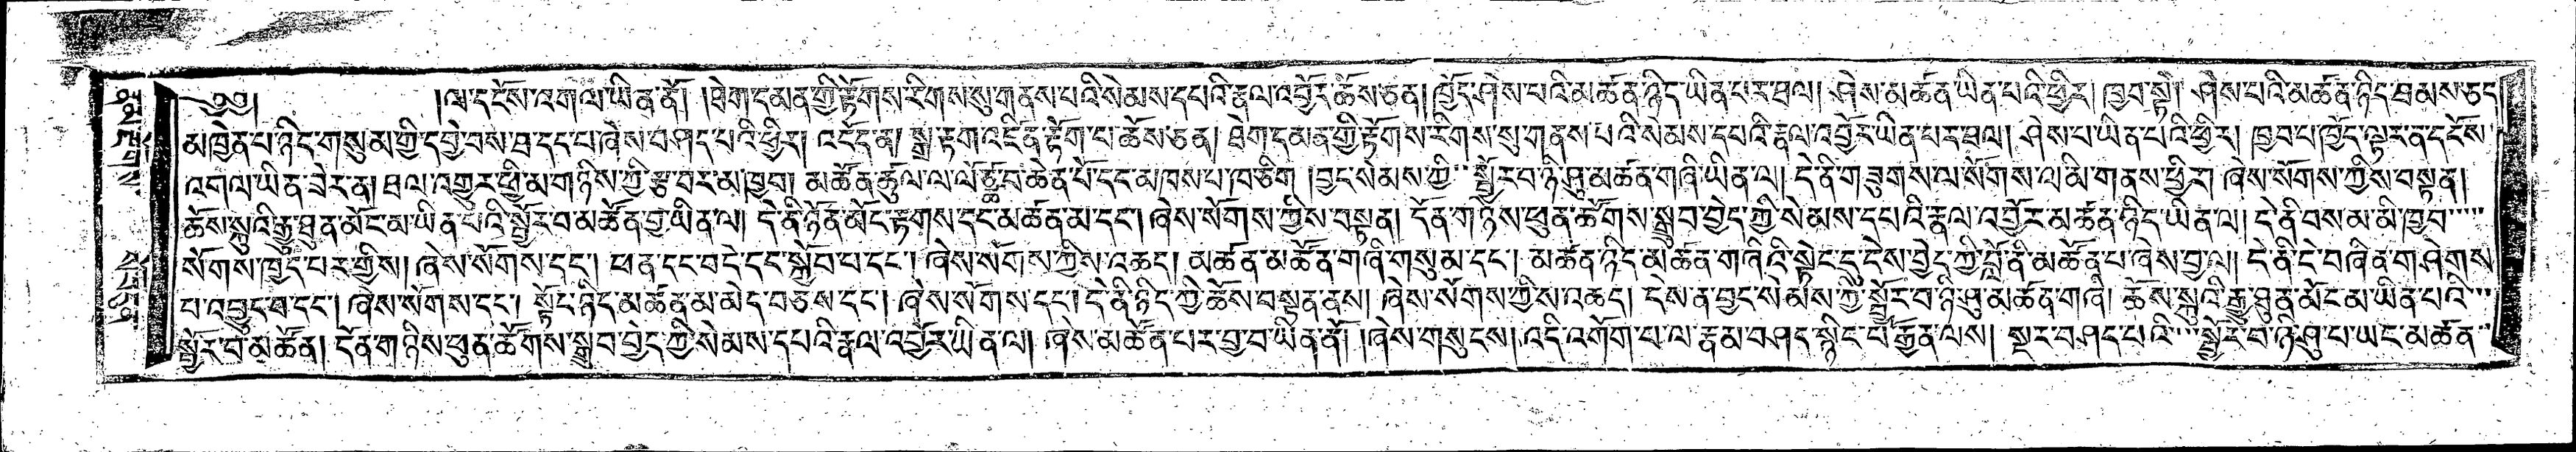༄༅། །ལ་དངོས་འགལ་ཡིན་ནོ། །ཐེག་དམན་གྱི་རྟོགས་རིགས་སུ་གནས་པའི་སེམས་དཔའི་རྣལ་འབྱོར་ཆོས་ཅན། ཁྱོད་ཤེས་པའི་མཚན་ཉིད་ཡིན་པར་ཐལ། ཤེས་མཚན་ཡིན་པའི་ཕྱིར། ཁྱབ་སྟེ། ཤེས་པའི་མཚན་ཉིད་ཐམས་ཅད་
མཁྱེན་པ་ཉིད་གསུམ་གྱི་དབྱེ་བས་ཐ་དད་པ་ཞེས་བཤད་པའི་ཕྱིར། འདོད་ན། སྒྲ་རྟག་འཛིན་རྟོག་པ་ཆོས་ཅན། ཐེག་དམན་གྱི་རྟོགས་རིགས་སུ་གནས་པའི་སེམས་དཔའི་རྣལ་འབྱོར་ཡིན་པར་ཐལ། ཤེས་པ་ཡིན་པའི་ཕྱིར། ཁྱབ་པ་ཁྱོད་ལྟར་ན་དངོས་
འགལ་ཡིན་ཟེར་ན། ཐལ་འགྱུར་ཕྱི་མ་གཉིས་ཀྱི་རྩ་བར་མ་ཁྱབ། མཚོན་ཚུལ་ལ་ལོ་ཙྪ་བ་ཆེན་པོ་དང་མཁས་པ་ཁ་ཅིག །བྱང་སེམས་ཀྱི་སྦྱོར་བ་ཉི་ཤུ་མཚན་གཞི་ཡིན་ལ། དེ་ནི་གཟུགས་ལ་སོགས་ལ་མི་གནས་ཕྱིར། ཞེས་སོགས་ཀྱིས་བསྟན།
ཆོས་སྐུའི་རྒྱུ་ཐུན་མོང་མ་ཡིན་པའི་སྦྱོར་བ་མཚོན་བྱ་ཡིན་ལ། དེ་ནི་ཉོན་མོང་རྟགས་དང་མཚན་མ་དང་། ཞེས་སོགས་ཀྱིས་བསྟན། དོན་གཉིས་ཕུན་ཚོགས་སྒྲུབ་བྱེད་ཀྱི་སེམས་དཔའི་རྣལ་འབྱོར་མཚན་ཉིད་ཡིན་ལ། དེ་ནི་བསམ་མི་ཁྱབ་
སོགས་ཁྱད་པར་གྱིས། ཞེས་སོགས་དང་། ཕན་དང་བདེ་དང་སྐྱོབ་པ་དང་། ཞེས་སོགས་ཀྱིས་འཆད། མཚན་མཚོན་གཞི་གསུམ་དང་། མཚན་ཉིད་མཚན་གཞིའི་སྟེང་དུ་ངེས་བྱེད་ཀྱི་བློ་ནི་མཚོན་པ་ཞེས་བྱ་ལ། དེ་ནི་དེ་བཞིན་གཤེགས་
པ་འབྱུང་བ་དང་། ཞེས་སོགས་དང་། སྟོང་ཉིད་མཚན་མ་མེད་བཅས་དང་། ཞེས་སོགས་དང་། དེ་ནི་ཉིད་ཀྱི་ཆོས་བསྟན་ནས། ཞེས་སོགས་ཀྱིས་འཆད། དེས་ན་བྱང་སེམས་ཀྱི་སྦྱོར་བ་ཉི་ཤུ་མཚན་གཞི། ཆོས་སྐུའི་རྒྱུ་ཐུན་མོང་མ་ཡིན་པའི་
སྦྱོར་བ་མཚོན། དོན་གཉིས་ཕུན་ཚོགས་སྒྲུབ་བྱེད་ཀྱི་སེམས་དཔའི་རྣལ་འབྱོར་ཡིན་ལ། ཞེས་མཚོན་པར་བྱ་བ་ཡིན་ནོ། །ཞེས་གསུངས། འདི་འགོག་པ་ལ་རྣམ་བཤད་སྙིང་པོ་རྒྱན་ལས། སྔར་བཤད་པའི་སྦྱོར་བ་ཉི་ཤུ་པོ་ཡང་མཚན་